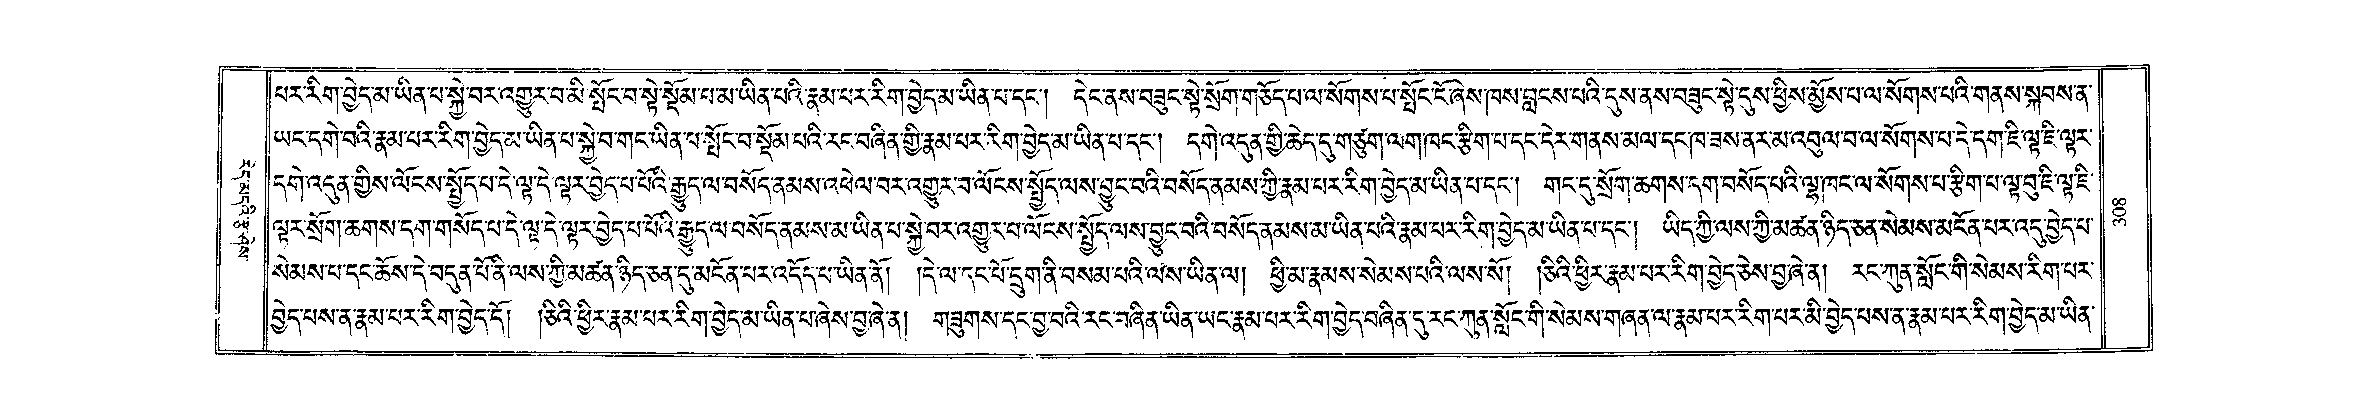པར་རིག་བྱེད་མ་ཡིན་པ་སྐྱེ་བར་འགྱུར་བ་མི་སྤོང་བ་སྟེ་སྡོམ་པ་མ་ཡིན་པའི་རྣམ་པར་རིག་བྱེད་མ་ཡིན་པ་དང་། དེང་ནས་བཟུང་སྟེ་སྲོག་གཅོད་པ་ལ་སོགས་པ་སྤོང་ངོ་ཞེས་ཁས་བླངས་པའི་དུས་ནས་བཟུང་སྟེ་དུས་ཕྱིས་མྱོས་པ་ལ་སོགས་པའི་གནས་སྐབས་ན་
ཡང་དགེ་བའི་རྣམ་པར་རིག་བྱེད་མ་ཡིན་པ་སྐྱེ་བ་གང་ཡིན་པ་སྤོང་བ་སྡོམ་པའི་རང་བཞིན་གྱི་རྣམ་པར་རིག་བྱེད་མ་ཡིན་པ་དང་། དགེ་འདུན་གྱི་ཆེད་དུ་གཙུག་ལག་ཁང་རྩིག་པ་དང་དེར་གནས་མལ་དང་ཁ་ཟས་ནར་མ་འབུལ་བ་ལ་སོགས་པ་དེ་དག་ཇི་ལྟ་ཇི་ལྟར་
དགེ་འདུན་གྱིས་ལོངས་སྤྱོད་པ་དེ་ལྟ་དེ་ལྟར་བྱེད་པ་པོའི་རྒྱུད་ལ་བསོད་ནམས་འཕེལ་བར་འགྱུར་བ་ལོངས་སྤྱོད་ལས་བྱུང་བའི་བསོད་ནམས་ཀྱི་རྣམ་པར་རིག་བྱེད་མ་ཡིན་པ་དང་། གང་དུ་སྲོག་ཆགས་དག་བསོད་པའི་ལྷ་ཁང་ལ་སོགས་པ་རྩིག་པ་ལྟ་བུ་ཇི་ལྟ་ཇི་
ལྟར་སྲོག་ཆགས་དག་གསོད་པ་དེ་ལྟ་དེ་ལྟར་བྱེད་པ་པོའི་རྒྱུད་ལ་བསོད་ནམས་མ་ཡིན་པ་སྐྱེ་བར་འགྱུར་བ་ལོངས་སྤོད་ལས་བྱུང་བའི་བསོད་ནམས་མ་ཡིན་པའི་རྣམ་པར་རིག་བྱེད་མ་ཡིན་པ་དང་། ཡིད་ཀྱི་ལས་ཀྱི་མཚན་ཉིད་ཅན་སེམས་མངོན་པར་འདུ་བྱེད་པ་
སེམས་པ་དང་ཆོས་དེ་བདུན་པོ་ནི་ལས་ཀྱི་མཚན་ཉིད་ཅན་དུ་མངོན་པར་འདོད་པ་ཡིན་ནོ། །དེ་ལ་དང་པོ་དྲུག་ནི་བསམ་པའི་ལས་ཡིན་ལ། ཕྱི་མ་རྣམས་སེམས་པའི་ལས་སོ། །ཅིའི་ཕྱིར་རྣམ་པར་རིག་བྱེད་ཅེས་བྱ་ཞེ་ན། རང་ཀུན་སློང་གི་སེམས་རིག་པར་
བྱེད་པས་ན་རྣམ་པར་རིག་བྱེད་དོ། །ཅིའི་ཕྱིར་རྣམ་པར་རིག་བྱེད་མ་ཡིན་པ་ཞེས་བྱ་ཞེ་ན། གཟུགས་དང་བྱ་བའི་རང་བཞིན་ཡིན་ཡང་རྣམ་པར་རིག་བྱེད་བཞིན་དུ་རང་ཀུན་སློང་གི་སེམས་གཞན་ལ་རྣམ་པར་རིག་པར་མི་བྱེད་པས་ན་རྣམ་པར་རིག་བྱེད་མ་ཡིན་